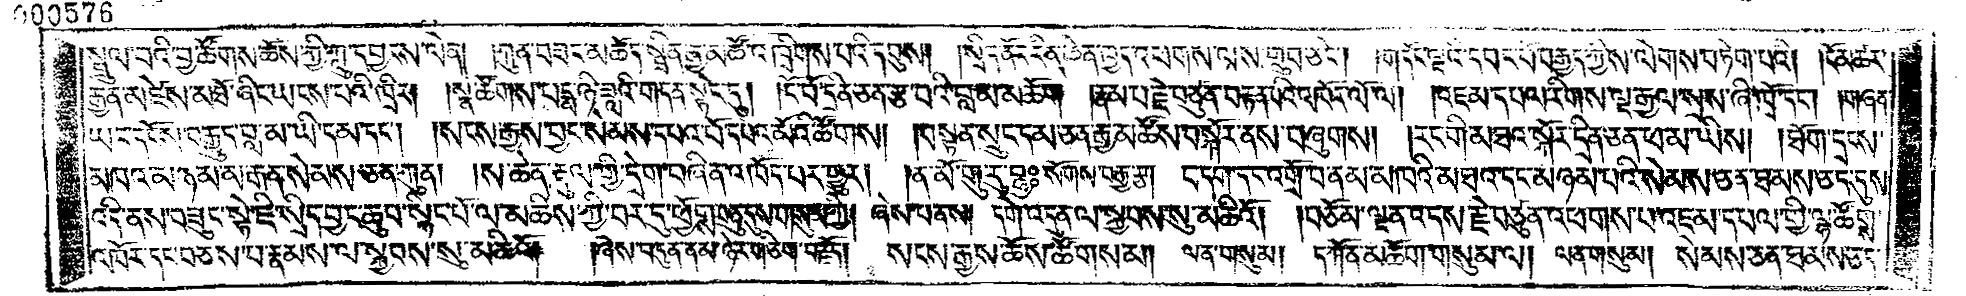སྤྲུལ་པའི་བྱ་ཚོགས་ཆོས་ཀྱི་ཀླུ་དབྱངས་ལེན། །ཀུན་བཟང་མཆོད་སྤྲིན་རྒྱ་མཚོ་འཁྲིགས་པའི་དབུས། །སྲིད་ནོར་རིན་ཆེན་ཁྱད་འཕགས་ལས་གྲུབ་ཅིང་། །གདོང་ལྔའི་དབང་པོ་བརྒྱད་ཀྱིས་ལེགས་བཏེག་པའི། །ངོ་མཚར་
རྒྱན་མཛེས་མཐོ་ཞིང་ཡངས་པའི་ཁྲིར། །སྣ་ཚོགས་པདམ་ཉི་ཟླའི་གདན་སྟེང་དུ། །ངོ་བོ་དྲིན་ཅན་རྩ་བའི་བླ་མ་མཆོག །རྣམ་པ་རྗེ་བཙུན་བརྟན་པའི་འཁོར་ལོ་ལ། །འཇམ་དཔལ་རིགས་ལྔ་རྒྱལ་སྲས་ཞི་ཁྲོ་དང་། །གཞན་
ཡང་དངོས་བརྒྱུད་བླ་མ་ཡི་དམ་དང་། །སངས་རྒྱས་བྱང་སེམས་དཔའ་བོ་དཔའ་མོའི་ཚོགས། །བསྟན་སྲུང་དམ་ཅན་རྒྱ་མཚོས་བསྐོར་ནས་བཞུགས། །རང་གི་མཐའ་སྐོར་དྲིན་ཅན་ཕ་མ་ཡིས། །ཐོག་དྲངས་
མཁའ་མཉམ་མ་རྒན་སེམས་ཅན་ཀུན། །ས་ཆེན་རྡུལ་གྱི་དྲེག་བཞིན་འཁོད་པར་གྱུར། །ན་མོ་གུ་རུ་བྷྱཿ སོགས་བརྒྱ་རྩ།  བདག་དང་འགྲོ་བ་ནམ་མཁའི་མཐའ་དང་མཉམ་པའི་སེམས་ཅན་ཐམས་ཅད་དུས་
འདི་ནས་བཟུང་སྟེ་ཇི་སྲིད་བྱང་ཆུབ་སྙིང་པོ་ལ་མཆིས་ཀྱི་བར་དུ་ཕྱོགས་བཅུ་དུས་གསུམ་ཀྱི། ཞེས་པ་ནས།  དགེ་འདུན་ལ་སྐྱབས་སུ་མཆིའོ། །བཅོམ་ལྡན་འདས་རྗེ་བཙུན་འཕགས་པ་འཇམ་དཔལ་གྱི་ལྷ་ཚོགས་
འཁོར་དང་བཅས་པ་རྣམས་ལ་སྐྱབས་སུ་མཆིའོ། །ཞེས་བདུན་ནམ་ཉེར་གཅིག་བརྗོད།  སངས་རྒྱས་ཆོས་ཚོགས་མ། ལན་གསུམ།  དཀོན་མཆོག་གསུམ་ལ། ལན་གསུམ།  སེམས་ཅན་ཐམས་ཅད་